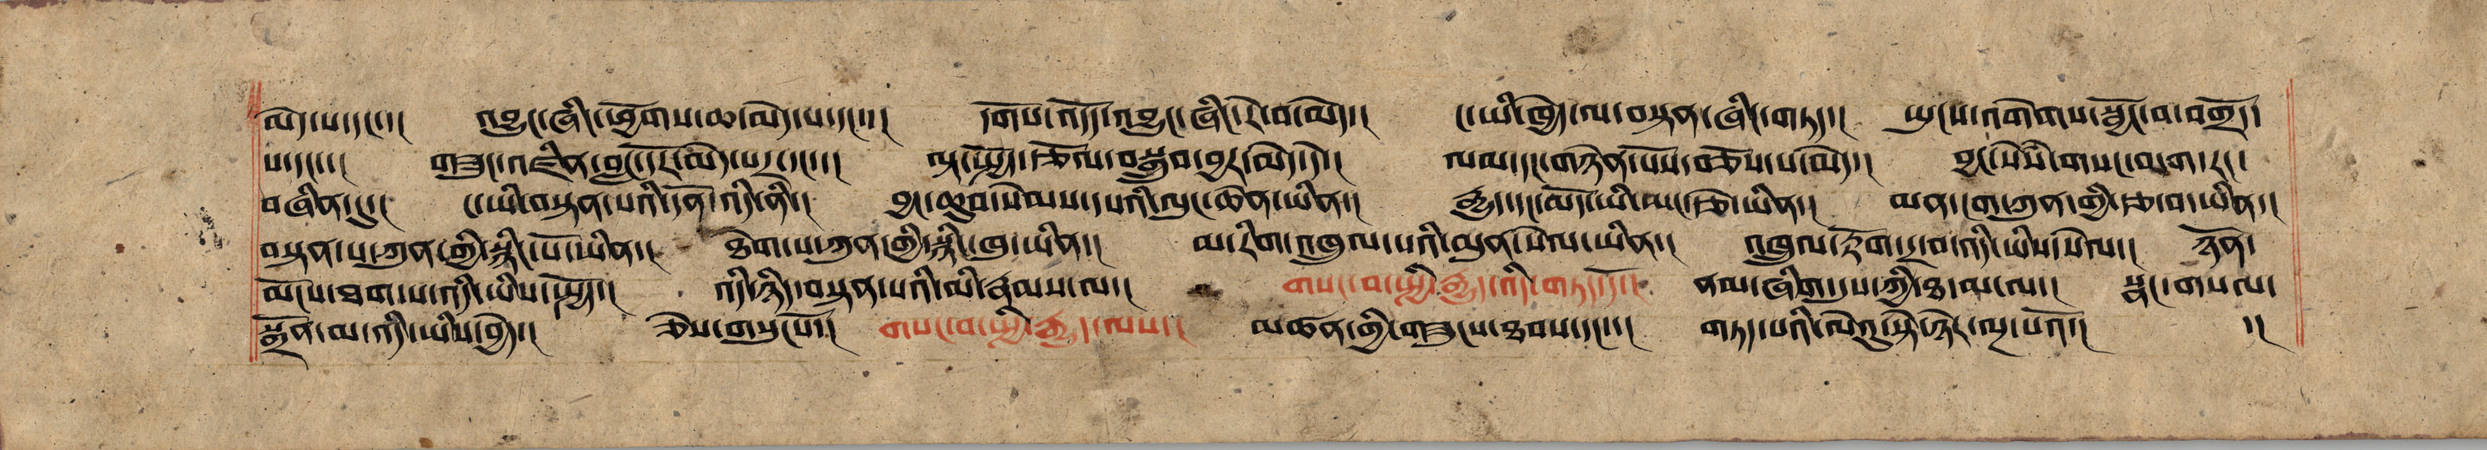མེད་པ་དང་་། འབྱུང་ཞིང་ཕྱོགས་ཆ་མེད་པ་དང་་། དགོས་འདོད་འབྱུང་ཞིང་རེ་བ་མེད་། ང་ཡི་ཁྱེད་ལ་བསྟན་ཞིང་གཏད་། སྤངས་འགེགས་སྦྱོང་བ་བགྲོད་
པ་དང་་། གཟུང་འཛིན་བླང་དོར་མེད་པར་དང་་། ལྟ་སྤྱོད་རྩོལ་བསྒྲུབ་བྱར་མེད་དེ་། ལམ་དང་གཉེན་པོས་བཅོས་པ་མེད་། བྱང་སེཾས་གསང་བདག་རང་
བཞིན་དུ་། ང་ཡི་བསྟན་པའི་དོན་འདི་ནི་། བྱང་ཆུབ་སེམས་དཔའི་ལུང་ཆེན་ཡིན་། རྒྱུད་དང་མདོ་ཡི་ཡང་རྩེ་ཡིན་། མན་ངག་ཀུན་གྱི་རྩ་བ་ཡིན་།
བསྟན་པ་ཀུན་གྱི་སྙིང་པོ་ཡིན་། ཐེག་པ་ཀུན་གྱི་སྙིང་ཁུ་ཡིན་། མ་རིག་འཁྲུལ་པའི་མུན་སེལ་ཡིན་། འཁྲུལ་རྟོག་དྲ་བ་འདི་ཡིས་སེལ་། ཉོན་
མོངས་ཐག་པ་འདི་ཡིས་སྤྱོད་། འདི་ཉིད་བསྟན་པའི་མི་རྣམས་ལ་། གསང་བ་སྤྱི་རྒྱུད་འདི་གཏད་དོ་། ནམ་ཞིག་དུས་ཀྱི་ཐ་མ་ལ་། སྣང་གསལ་
སྒྲོན་མ་འདི་ཡིས་བྱེད་། ཅེས་གསུངསོ་། གསང་བ་སྤྱི་རྒྱུད་ལས་། མཚན་གྱི་གཟུངས་ཐབས་དང་་། གཏད་པའི་ལེའུ་སྟེ་ཉེར་ལྔ་པའོ་། ་།